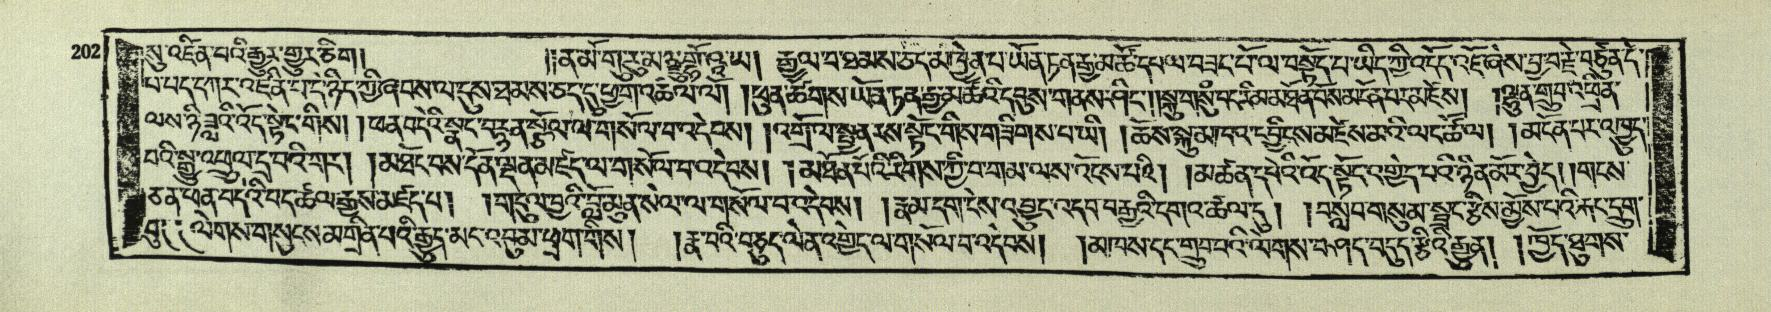སུ་འཛིན་པའི་རྒྱུར་གྱུར་ཅིག། །།ན་མོ་གུ་རུ་མཉྫུ་གྷོ་ཥཱ་ཡ། རྒྱལ་བ་ཐམས་ཅད་མཁྱེན་པ་ཡོན་ཏན་རྒྱ་མཚོ་དཔལ་བཟང་པོ་ལ་བསྟོད་པ་ཡིད་ཀྱི་འདོད་འཇོ་ཞེས་བྱ་བ་རྗེ་བཙུན་དེ་
པ་པད་དཀར་འཛིན་པ་དེ་ཉིད་ཀྱི་ཞབས་ལ་དུས་ཐམས་ཅད་དུ་ཕྱག་འཚལ་ལོ། །ཕུན་ཚོགས་ཡོན་ཏན་རྒྱ་མཚོའི་དབུས་གནས་ཤིང་། །སྐུ་གསུཾ་བང་རིམ་མཐོན་བོས་མངོན་པར་མཛེས། །ལྷུན་གྲུབ་འཕྲིན་
ལས་ཉི་ཟླའི་འོད་སྟེང་གིས། །ཕན་བདེའི་སྣང་བརྙན་སྩོལ་ལ་གསོལ་བ་འདེབས། །འགྲོ་ལ་སྤྱན་རས་སྟོང་གིས་གཟིགས་པ་ཡི། །ཆོས་སྐུ་མཁའ་དབྱིངས་མཛེས་མའི་ལང་ཚོལ། །མངོན་པར་འཁྱུད་
བའི་སྒྱུ་འཕྲུལ་དྲ་བའི་གར། །མཐོང་བས་དོན་ལྡན་མཛད་ལ་གསོལ་བ་འདེབས། །མཐོན་པོའི་རིགས་ཀྱི་བ་གམ་ལས་འོངས་པའི། །མཚན་དཔེའི་འོད་སྟོང་འགྱེད་པའི་ཉིན་མོར་བྱེད། །གངས་
ཅན་ཕན་བདེའི་པད་ཚལ་རྒྱས་མཛད་པ། །གདུལ་བྱའི་བློ་མུན་སེལ་ལ་གསོལ་བ་འདེབས། །རྣམ་དག་ངེས་འབྱུང་འདབ་བརྒྱའི་དགའ་ཚལ་དུ། །བསླབ་གསུམ་སྦྲང་རྩིས་མྱོས་པའི་རྐང་དྲུག་
བུ༑ ༑ལེགས་གསུངས་མགྲིན་པའི་རྒྱུད་མང་འབུམ་ཕྲག་གིས། །རྣ་བའི་བཅུད་ལེན་འགྱེད་ལ་གསོལ་བ་འདེབས། །མཁས་དང་གྲུབ་པའི་ལེགས་བཤད་བདུད་རྩིའི་རྒྱུན། །ཁྱོད་ཐུགས་